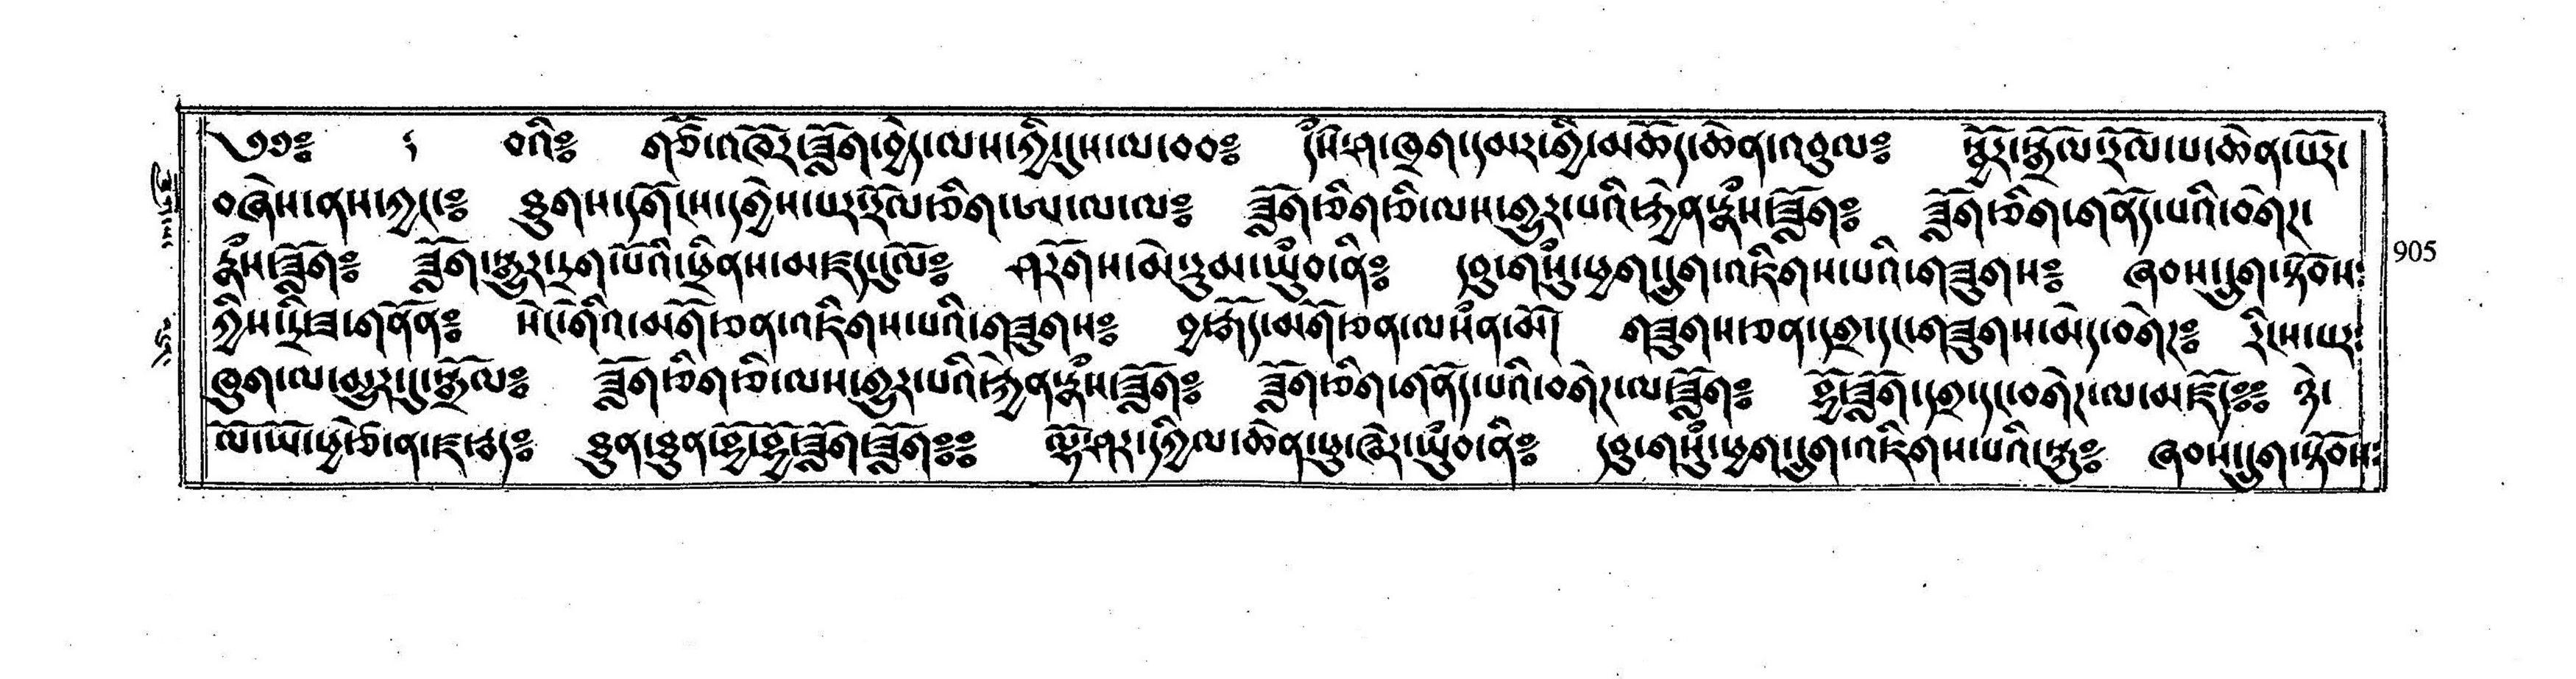བའི༔ གཙོ་འཁོར་ཟློག་བྱེད་ལས་ཀྱི་དུས་ལ་བབ༔ དམ་རྫས་ཤ་ཁྲག་དམར་གྱི་མཆོད་ཆེན་འབུལ༔ སྦྱོར་སྒྲོལ་རོལ་པ་ཆེན་པོར་
བཞེས་ནས་ཀྱང་༔ ཐུགས་དགོངས་དགྱེས་པར་རོལ་ཅིག་ཨ་ལ་ལ༔ ཟློག་ཅིག་ཅི་ལས་གྱུར་པའི་རྐྱེན་རྣམས་ཟློག༔ ཟློག་ཅིག་གནོད་པའི་བགེགས་
རྣམས་ཟློག༔ ཟློག་སྒྱུར་དྲག་པོའི་ཕྲིན་ལས་མཛད་དུ་གསོལ༔ ཤར་ཕྱོགས་མེ་རུམ་ཡབ་ཡུམ་ནི༔ དབུ་གསུམ་ཕྱག་དྲུག་འཇིགས་པའི་གཟུགས༔ ཞབས་དྲུག་སྟོབས་
ཀྱིས་དྲི་ཟ་གནོན༔ སེང་གེའི་མགོ་ཅན་འཇིགས་པའི་གཟུགས༔ བྱ་རྒོད་མགོ་ཅན་ལས་མཁན་མོ། གཟུགས་ཅན་དགྲ་དང་གཟུགས་མེད་བགེགས༔ རིངས་པར་
ཁུག་ལ་མྱུར་དུ་སྒྲོལ༔ ཟློག་ཅིག་ཅི་ལས་གྱུར་པའི་རྐྱེན་རྣམས་ཟློག༔ ཟློག་ཅིག་གནོད་པའི་བགེགས་ལ་ཟློག༔ བྷྱོ་ཟློག་དགྲ་དང་བགེགས་ལ་མཛོད༔༔ ཉེ་
ལོ་ཡོ་ཕྱ་ཙེ་ན་ཛ་རྦད༔ ཐུན་ཐུན་བྷྱོ་བྷྱོ་ཟློག་ཟློག༔༔ ལྷོ་ཤར་དཀྱིལ་ཆེན་ཕུ་ཝེར་ཡབ་ཡུམ་ནི༔ དབུ་གསུམ་ཕྱག་དྲུག་འཇིགས་པའི་སྐུ༔ ཞབས་དྲུག་སྟོབས་